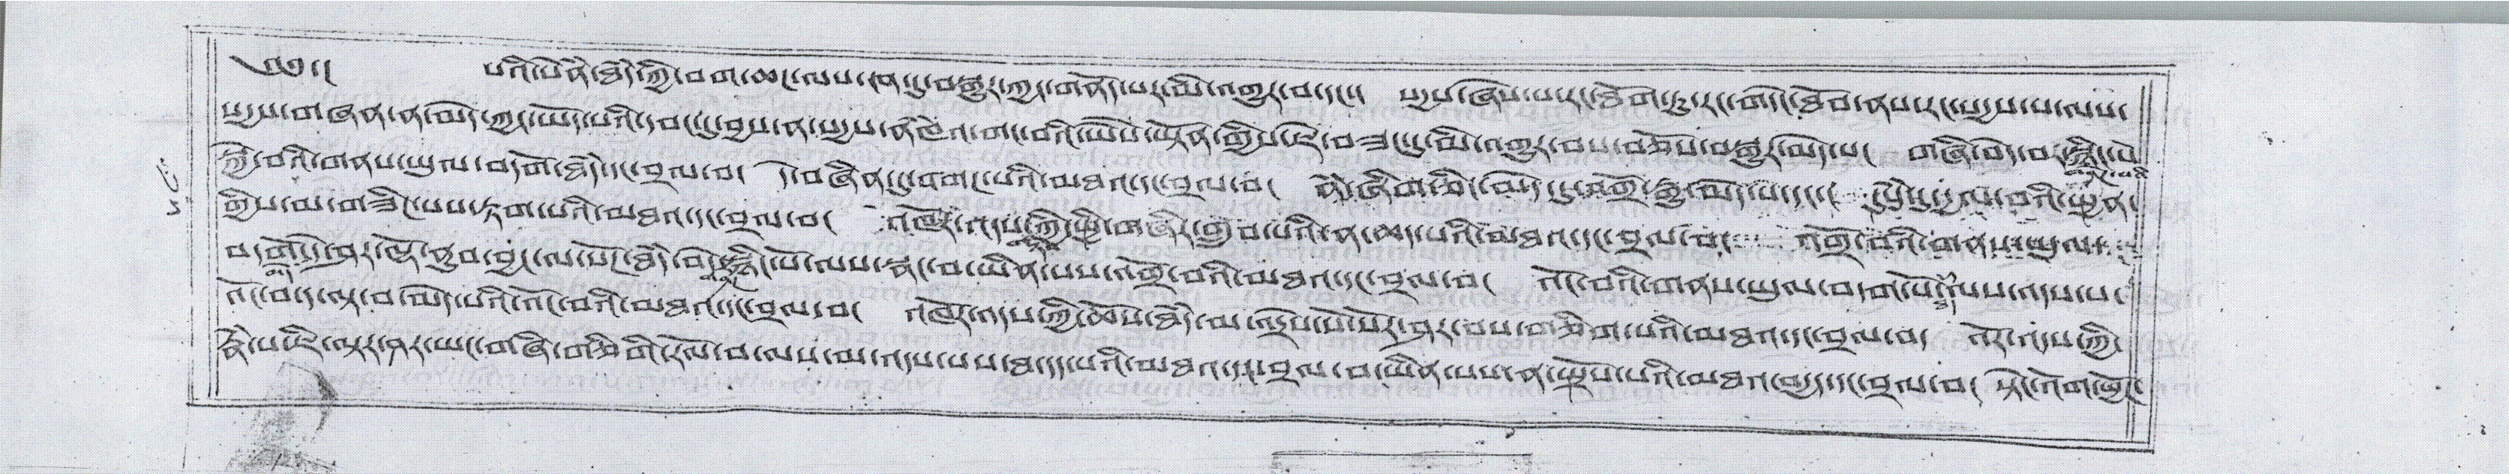པའི་སེམས་ཅན་ཐམས་ཅད་ཀྱི་བག་ཆགས་ལས་ངན་དུ་བསྒྱུར་ཀྱང་གནོད་པར་མི་འགྱུར་བ་དང་། སངས་རྒྱས་ཞེས་པ་རང་ཐོག་ཏུ་རང་གདེང་ཐོབ་ནས་རང་སངས་རྒྱས་པ་ལས་
སངས་རྒྱས་གཞན་ན་མེད་ཀྱང་ཡོད་པའི་དབང་དུ་བྱས་ན་སངས་རྒྱས་ནམ་མཁའ་ནམ་མཁའ་གང་བའི་ཡེ་ཤེས་ཡོན་ཏན་གྱིས་ཇེ་བཟང་དུ་མི་འགྱུར་བས་བཅོས་སྒྱུར་མེད་པ། གཞི་བདེ་བར་གཤེགས་པའི་སྙིང་པོ་
སྐྱེ་བའི་གནས་ཡུལ་བདག་པོ་ཐམས་ཅད་དང་བྲལ་བ། དེ་བཞིན་དུ་འགགས་པའི་མཐའ་དང་བྲལ་བ། ནམ་ཞིག་ཅི་མེད་དུ་འགྲོ་རྒྱུ་མེད་པ་དང་། དུས་གསུམ་དུ་རྒྱལ་བའི་སྤྱན་
གྱིས་མ་གཟིགས་པས་རྟག་པའི་མཐའ་དང་བྲལ་བ། འཁོར་འདས་གཉིས་ཀྱི་སྤྱི་གཞིར་གྲུབ་པས་ན་ཆད་པའི་མཐའ་དང་བྲལ་བ། འགྲོ་བའི་གནས་ཡུལ་
བདག་པོ་མེད་དེ་ཤར་ལྷོ་ནུབ་བྱང་ལ་སོགས་ཐམས་ཅད་བདེར་གཤེགས་སྙིང་པོ་ལས་སྣང་བ་ཡིན་པས་འགྲོ་བའི་མཐའ་དང་བྲལ་བ། འོང་བའི་གནས་ཡུལ་བདག་པོ་ཐམས་ཅད་ལས་འདས་པ། 
འོང་བ་དང་ལྟ་བ་མེད་པའི་འོང་བའི་མཐའ་དང་བྲལ་བ། འཁོར་འདས་ཀྱི་ཆོས་ཐམས་ཅད་མ་འདྲེས་སོ་སོར་ཤར་བས་གཅིག་པའི་མཐའ་དང་བྲལ་བ། འཁོར་འདས་ཀྱི་
རྣམ་པ་ཇི་ལྟར་ཤར་ཡང་གཞི་གཅིག་གི་རོལ་པ་རོལ་པ་ལས་མ་འདས་པས་ཐ་དད་པའི་མཐའ་དང་བྲལ་བ་ཡིན་པས་ན་སྤྲོས་པའི་མཐའ་བརྒྱད་དང་བྲལ་བ། སྟེང་འོག་ཕྱོགས་